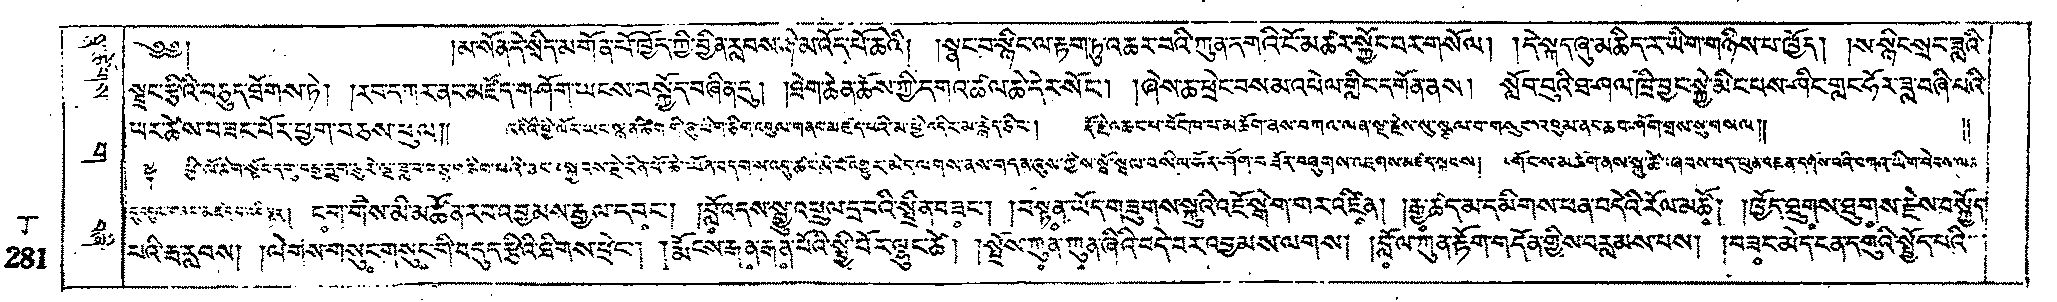༄༅། །མ་སོན་དེ་སྲིད་མགོན་པོ་ཁྱོད་ཀྱི་བྱིན་རླབས་ཉི་མ་འོད་པོ་ཆེའི། །སྣང་བ་སྙིང་ལ་རྟག་ཏུ་འཆར་བའི་ཀུན་དགའི་ངོ་མཚར་སྐྱོང་བར་གསོལ། །དེ་སྐད་ཞུ་མཆིད་ར་ཡིག་གཉིས་པ་ཁྱོད། །ས་སྙིང་སྲང་ཟླའི་
སྦྲང་རྩིའི་བཅུད་ཐོགས་ཏེ། །རབ་དཀར་ནང་མཛོད་གཤོག་ཡངས་བསྐྱོད་བཞིན་དུ། །ཐེག་ཆེན་ཆོས་ཀྱི་དགའ་ཚལ་ཆེ་དེར་སོང་། །ཞེས་ཆ་ཕྲེང་བསམ་འཕེལ་གླིང་དགོན་ནས། སློབ་བུའི་ཐ་ཤལ་ཁྲི་བྱང་སྐྱེ་མིང་པས་ཤིང་གླང་ཧོར་ཟླ་བཞི་པའི་
ཡར་ཚེས་བཟང་པོར་ཕྱག་བཅས་ཕུལ།། འདིའི་ཕྱི་ལོར་ཡང་སྙན་ཚིག་གི་ཞུ་ཡིག་ཅིག་འབུལ་གནང་མཛད་པའི་མ་ཕྱི་འདིར་མ་རྙེད་ཅིང་། རྡོ་རྗེ་འཆང་ཕ་བོང་ཁ་པ་མཆོག་ནས་བཀའ་ལན་སྔ་རྗེས་སུ་སྩལ་བ་གསུང་འབུམ་ནང་ཆབ་ཤོག་གྲས་སུ་གསལ།། །།
འ་ཕྱི་ལོ་ཆེག་སྟོང་དགུ་བརྒྱ་དྲུག་ཅུ་རེ་ལྔ་ཟླ་བ་བཅུ་གཅིག་པའི་ནང ༧སྐྱབས་རྗེ་རིན་པོ་ཆེ་ཡོན་བདག་ས་འདུ་ཚང་མི་ངོ་འགྱུར་མེད་ལགས་ནས་གདན་ཞུས་ཀྱིས་སྤོ་སྦལ་བསིལ་ཧོར་ཤོག་བཟོར་བཞུགས་འཇགས་མཛད་སྐབས། ༧གོང་ས་མཆོག་ནས་སྐུ་ཚེ ༧ཞབས་པད་ཡུན་བརྟན་དགོས་པའི་བཀའ་ཡིག་བེབས་ལན་
དུ་འབུལ་གནང་མཛད་པ་འདི་ལྟར། ངག྾་གིས་མི་མཚོན་རབ་འབྱམས་རྒྱལ་དབང྾། །བློ྾་འདས་སྒྱུ་འཕྲུལ་དྲ་བའི་སྤྲིན་བཟང྾། །བསྟན྾་ཡོད་གཟུགས་སྐུའི་འཇོ་སྒེག་གར་འཛིན྾། །རྒྱ྾་ཚད་མ་དམིགས་ཕན་བདེའི་རོལ་མཚོ྾། །ཁྱོད་ཐུགས྾་ཐུགས྾་རྗེས་བསྐྱོད་པའི་རྦ་རླབས། །ལེགས་གསུང྾་གསུང྾་གི་བདུད་རྩིའི་ཐིགས་ཕྲེང་། །རྨོངས་རྒན྾་རྒན྾་པོའི་སྤྱི་བོར་ལྷུང་ཚེ། །སྤྲོས་ཀུན྾་ཀུན྾་ཞིའི་བདེ་བར་འབྱམས་ལགས། །བློ྾་ལ་ཀུན་རྟོག་གདོན་གྱིས་བརླམས་པས། །བཟང྾་མེད་ངན་དགུའི་སྤྱོད་པའི་་་